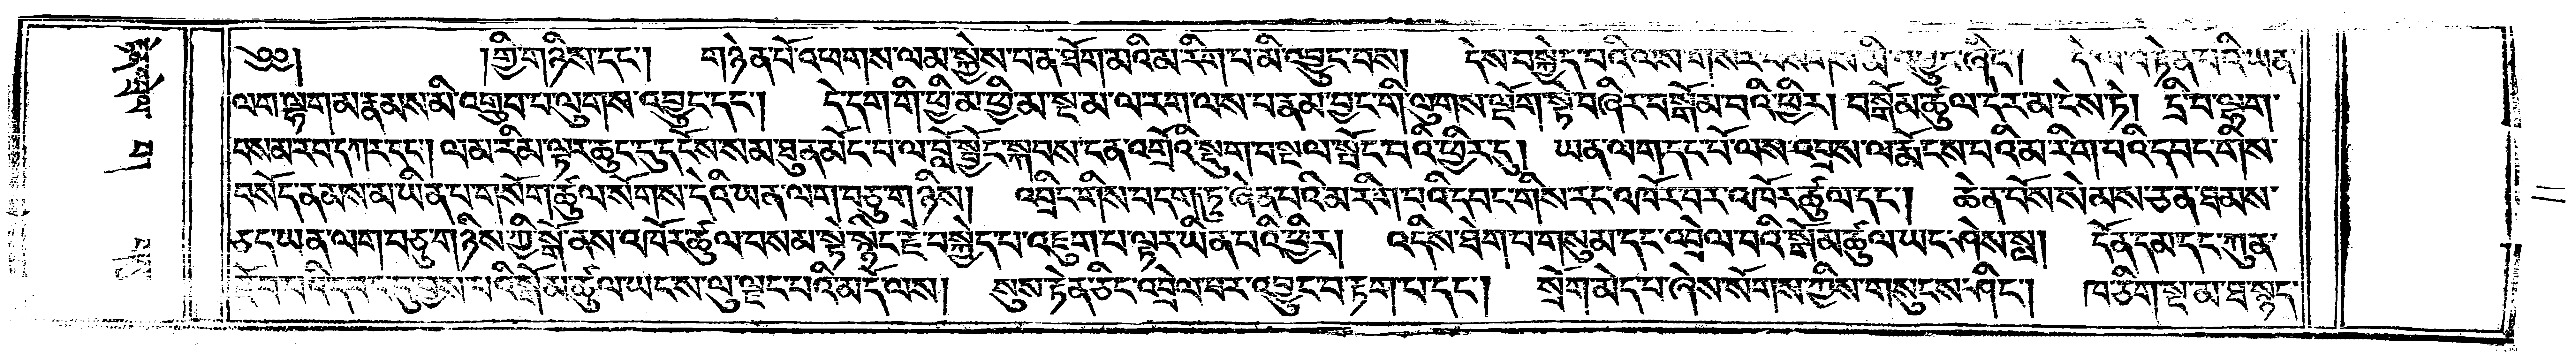༄༅༅། །གྱི་གཉིས་དང་། གཉེན་པོ་འཕགས་ལམ་སྐྱེས་བ་ན་ཐོག་མའི་མ་རིག་པ་མི་འབྱུང་བས། དེས་བསྐྱེད་བའི་ལས་གསར་བསགས་མི་འབྱུང་ཞིང་། དེ་ལ་བརྟེན་བའི་ཡན་
ལག་ལྷག་མ་རྣམས་མི་འགྲུབ་པ་ལུགས་འབྱུང་དང་། དེ་དག་གི་ཕྱི་མ་ཕྱི་མ་སྔ་མ་ལ་རག་ལས་པ་རྣམ་བྱང་གི་ལུགས་ལྡོག་སྟེ་བཞིར་བསྒོམ་བའི་ཕྱིར། བསྒོམ་ཚུལ་དེར་མ་ངེས་ཏེ། དྲི་བ་ལྷག་
བསམ་རབ་དཀར་དང་། ལམ་རིམ་ལྟར་ཆུང་ངུ་དངོས་སམ་ཐུན་མོང་བ་ལ་བློ་སྦྱོང་སྐབས་ངན་འགྲོའི་སྡུག་བསྔལ་སྤོང་བའི་ཕྱིར་དུ། ཡན་ལག་དང་པོ་ལས་འབྲས་ལ་རྨོངས་བའི་མ་རིག་པའི་དབང་གིས་
བསོད་ནམས་མ་ཡིན་པ་གསོག་ཚུལ་སོགས་དེའི་ཡན་ལག་བཅུ་གཉིས། འབྲིང་གིས་བདག་ཏུ་ཞེན་པའི་མ་རིག་པའི་དབང་གིས་རང་འཁོར་བར་འཁོར་ཚུལ་དང་། ཆེན་པོས་སེམས་ཅན་ཐམས་
ཅད་ཡན་ལག་བཅུ་གཉིས་ཀྱི་སྒོ་ནས་འཁོར་ཚུལ་བསམ་སྟེ་སྙིང་རྗེ་བསྐྱེད་པ་འཇུག་པ་ལྟར་ཡིན་པའི་ཕྱིར། འདིས་ཐེག་པ་གསུམ་དང་འབྲེལ་བའི་སྒོམ་ཚུལ་ཡང་ཤེས་སླ། དོན་དམ་དང་ཀུན་
རྫོབ་བའི་དབང་དུ་བྱས་པའི་སྒོམ་ཚུལ་ཡངས་ལུ་ལྗང་བའི་མདོ་ལས། སུས་རྟེན་ཅིང་འབྲེལ་བར་འབྱུང་བ་རྟག་པ་དང་། སྲོག་མེད་པ་ཞེས་སོགས་ཀྱིས་གསུངས་ཤིང་། ཁ་ཅིག་སྔ་མ་ཐ་སྙད་